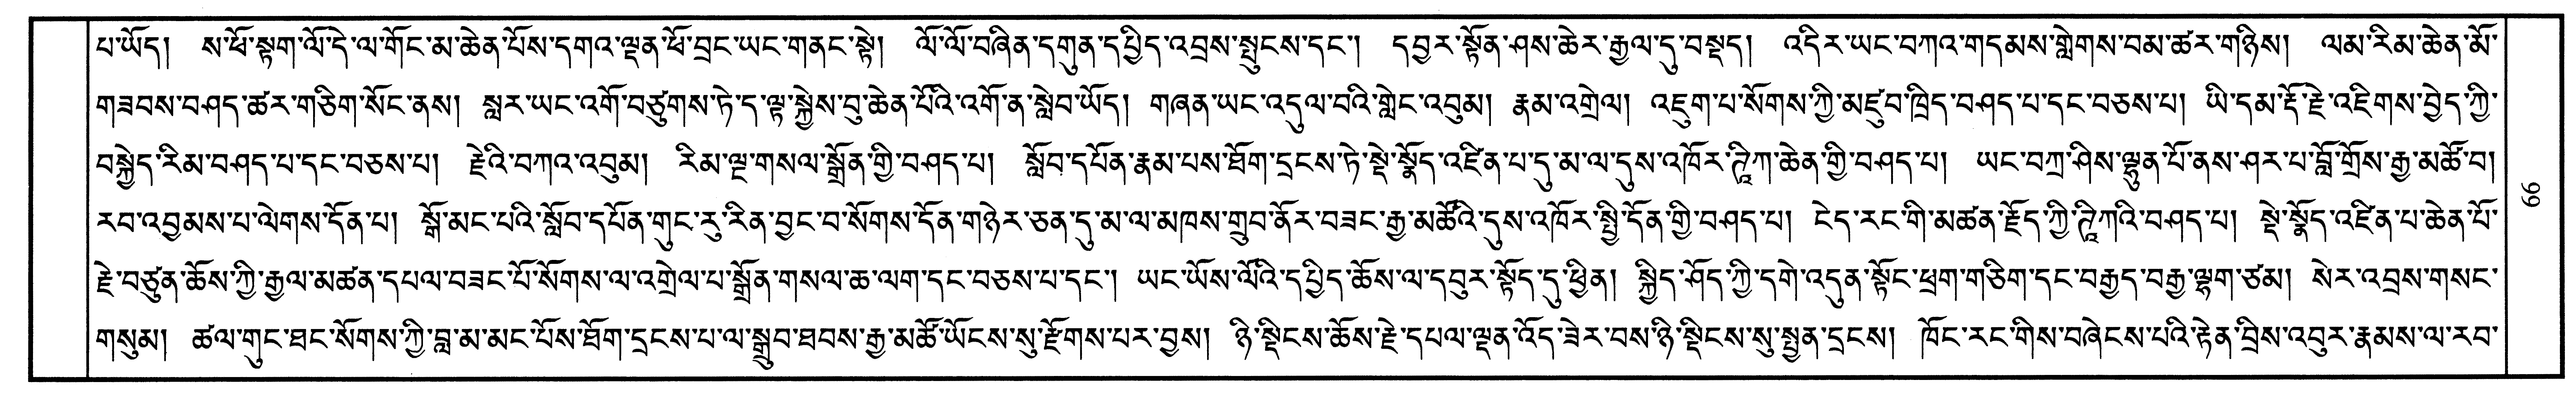པ་ཡོད། ས་ཕོ་སྟག་ལོ་དེ་ལ་གོང་མ་ཆེན་པོས་དགའ་ལྡན་ཕོ་བྲང་ཡང་གནང་སྟེ། ལོ་ལོ་བཞིན་དགུན་དཔྱིད་འབྲས་སྤུངས་དང་། དབྱར་སྟོན་ཤས་ཆེར་རྒྱལ་དུ་བསྡད། འདིར་ཡང་བཀའ་གདམས་གླེགས་བམ་ཚར་གཉིས། ལམ་རིམ་ཆེན་མོ་
གཟབས་བཤད་ཚར་གཅིག་སོང་ནས། སླར་ཡང་འགོ་བཙུགས་ཏེ་ད་ལྟ་སྐྱེས་བུ་ཆེན་པོའི་འགོ་ན་སླེབ་ཡོད། གཞན་ཡང་འདུལ་བའི་གླེང་འབུམ། རྣམ་འགྲེལ། འཇུག་པ་སོགས་ཀྱི་མཛུབ་ཁྲིད་བཤད་པ་དང་བཅས་པ། ཡི་དམ་རྡོ་རྗེ་འཇིགས་བྱེད་ཀྱི་
བསྐྱེད་རིམ་བཤད་པ་དང་བཅས་པ། རྗེའི་བཀའ་འབུམ། རིམ་ལྔ་གསལ་སྒྲོན་གྱི་བཤད་པ། སློབ་དཔོན་རྣམ་པས་ཐོག་དྲངས་ཏེ་སྡེ་སྣོད་འཛིན་པ་དུ་མ་ལ་དུས་འཁོར་ཊཱིཀ་ཆེན་གྱི་བཤད་པ། ཡང་བཀྲ་ཤིས་ལྷུན་པོ་ནས་ཤར་པ་བློ་གྲོས་རྒྱ་མཚོ་བ།
རབ་འབྱམས་པ་ལེགས་དོན་པ། སྒོ་མང་པའི་སློབ་དཔོན་གུང་རུ་རིན་བྱང་བ་སོགས་དོན་གཉེར་ཅན་དུ་མ་ལ་མཁས་གྲུབ་ནོར་བཟང་རྒྱ་མཚོའི་དུས་འཁོར་སྤྱི་དོན་གྱི་བཤད་པ། ངེད་རང་གི་མཚན་རྗོད་ཀྱི་ཊཱིཀའི་བཤད་པ། སྡེ་སྣོད་འཛིན་པ་ཆེན་པོ་
རྗེ་བཙུན་ཆོས་ཀྱི་རྒྱལ་མཚན་དཔལ་བཟང་པོ་སོགས་ལ་འགྲེལ་པ་སྒྲོན་གསལ་ཆ་ལག་དང་བཅས་པ་དང་། ཡང་ཡོས་ལོའི་དཔྱིད་ཆོས་ལ་དབུར་སྟོད་དུ་ཕྱིན། སྐྱིད་ཤོད་ཀྱི་དགེ་འདུན་སྟོང་ཕྲག་གཅིག་དང་བརྒྱད་བརྒྱ་ལྷག་ཙམ། སེར་འབྲས་གསང་
གསུམ། ཚལ་གུང་ཐང་སོགས་ཀྱི་བླ་མ་མང་པོས་ཐོག་དྲངས་པ་ལ་སྒྲུབ་ཐབས་རྒྱ་མཚོ་ཡོངས་སུ་རྫོགས་པར་བྱས། །ཉི་སྡིངས་ཆོས་རྗེ་དཔལ་ལྡན་འོད་ཟེར་བས་ཉི་སྡིངས་སུ་སྤྱན་དྲངས། ཁོང་རང་གིས་བཞེངས་པའི་རྟེན་བྲིས་འབུར་རྣམས་ལ་རབ་